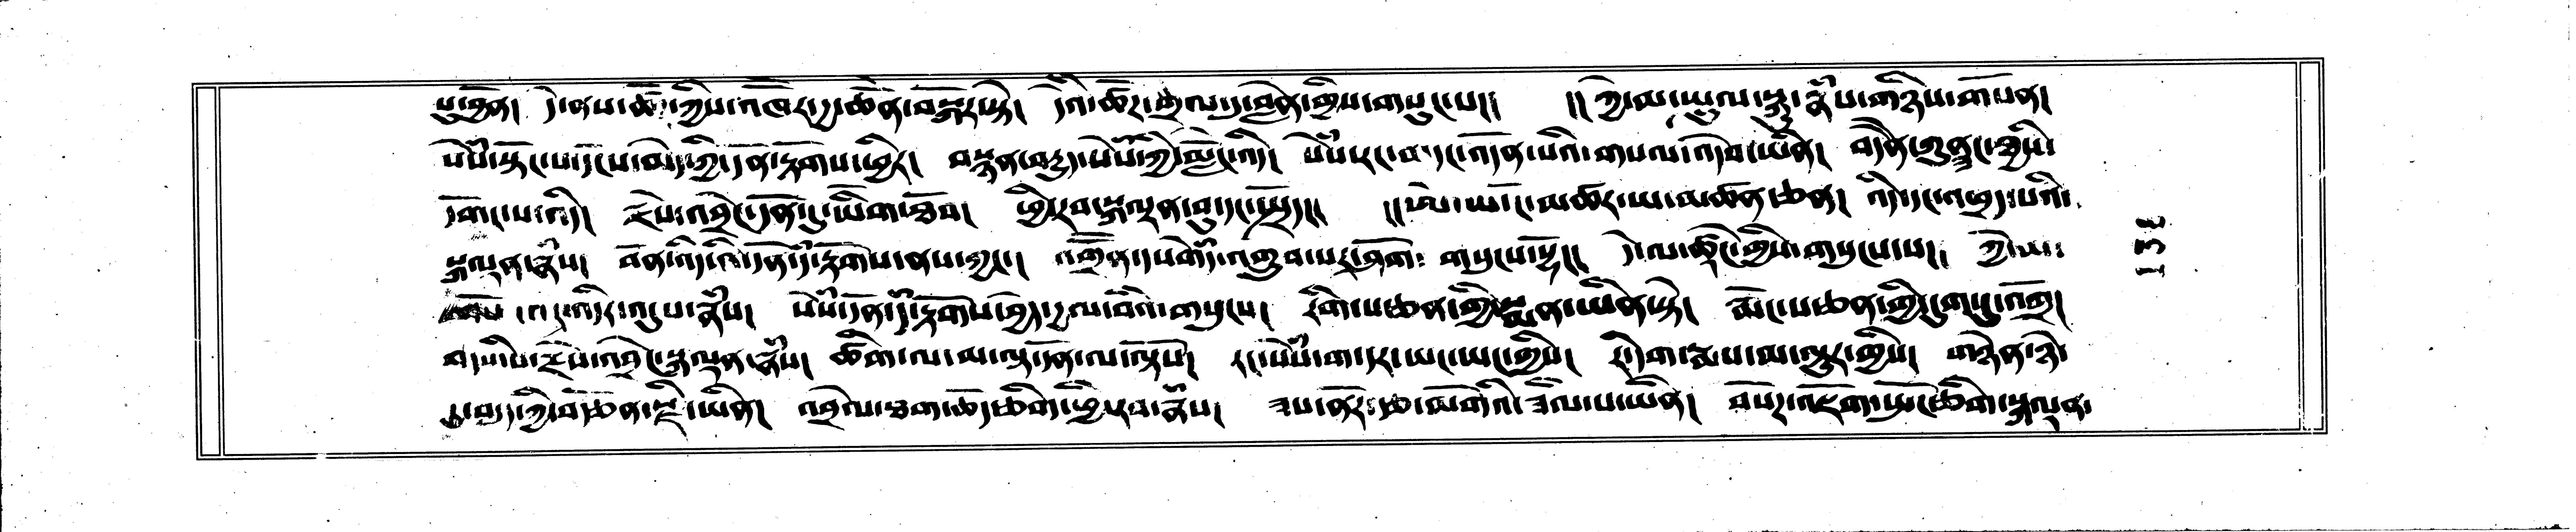ཏུ་བྱོན། དེ་ནས་ཚོགས་ཀྱི་འཁོར་ལོ་རྒྱ་ཆེན་བསྐོར་ཏེ། དེའི་ཚོགས་གྲལ་དུ་བླ་ཆེན་གྱིས་གསུངས་པ། །ཀྱེ་མ་སྤྲུལ་སྐུ་རྣམ་གཉིས་གསོན།
སེམས་སྟོང་པ་དངོས་མེད་ཀྱི་དོན་རྟོགས་ཕྱིར། སྙན་རྒྱུད་སེམས་ཀྱི་མེ་ལོང་འདི། སེམས་རང་མདངས་འདོན་པའི་གསལ་འདེབས་ཡིན། བདེ་ཆེན་ཀུན་བཟང་ཐུགས་ཀྱི་
དགོངས་པ་འདི། རྗེས་འབྲེང་དོན་དུ་ཡིག་ཐོབ། ཕྱི་རབས་སྐལ་ལྡན་བུ་དང་སྤྲོད། །ཨེ་མ་ངོ་མཚར་ཡ་མཚན་ཅན། འདི་དང་འཕྲད་པའི་
སྐལ་ལྡན་རྣམས། བོན་འདིའི་དོན་དམ་རྟོགས་ནས་ཀྱང་། འགྲོ་དོན་དཔག་མེད་འགྲུབ་པར་ཤོག གསུངས་སོ། །དེ་ལ་ཚེ་དབང་གིས་གསུངས་པ། ཀྱེ་མ་
གསོན་དང་འདིར་འདུས་རྣམས། སེམས་དོན་དམ་རྟོགས་བྱེད་རྒྱལ་བས་གསུངས། རིག་པ་ཅན་གྱི་སྨན་ཡིན་ཏེ། རྨོངས་པ་ཅན་གྱི་དུག་ཏུ་འགྲོ། 
བདག་གིས་རྗེས་འབྲེངས་སྐལ་ལྡན་རྣམས། ཚིག་ལ་མ་ལྟ་དོན་ལ་ལྟོས། རང་སེམས་ག་དར་ཡང་ཡང་གྱིས། རི་དྭགས་སྨས་མ་ལྟ་བུར་གྱིས། གཉེན་ཉེ་
དུ་བདུད་ཀྱི་བཙོན་རྩི་ཡིན། འབྲེལ་ཐག་ཆོད་ཅིག་ཕྱི་རབས་རྣམས། ཟས་ནོར་རྩ་མགོའི་ཟིལ་པ་ཡིན། བསོགས་འཇོག་སྤོང་ཅིག་སྐལ་ལྡན་